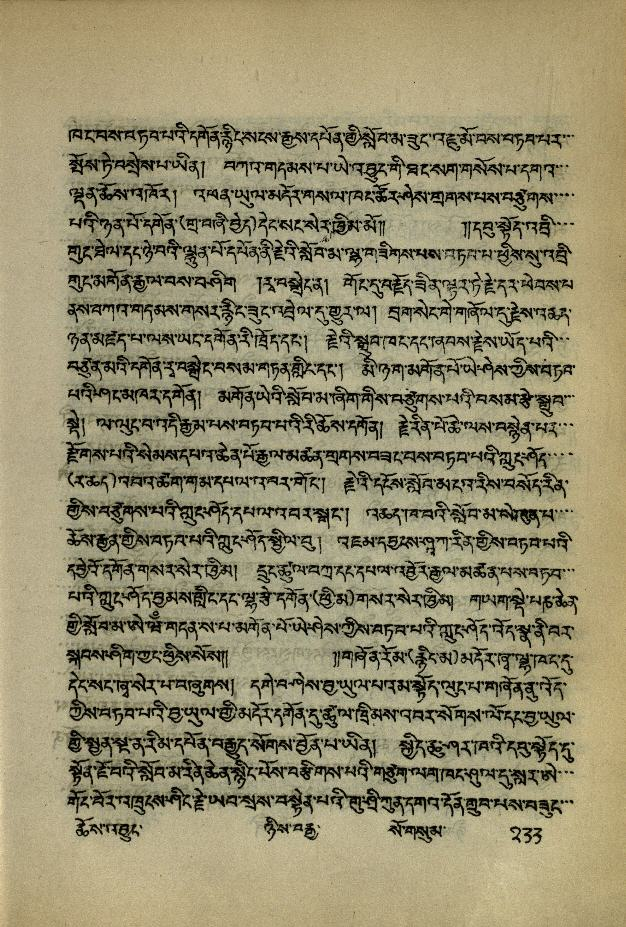ཁང་བས་བཏབ་པའི་དགོན་རྙིང་སངས་རྒྱས་དཔོན་གྱི་སློབ་མ་ཟུང་འཇུ་མོ་བས་བཏབ་པར་
སྤོས་ཏེ་བསྲེས་པ་ཡིན། བཀའ་གདམས་པ་ཡེ་འབྱུང་གི་ཐང་སག་གསོས་པ་དགའ་
ལྡན་ཆོས་འཁོར། འཕན་ཡུལ་མདོར་གསལ་ཁང་ཚོར་ཤེས་གྲགས་པས་བཙུགས་
པའི་ཉན་པོ་དགོན་གྲ་བཞི་བྱེད་དེང་སང་སེར་ཁྱིམ་མོ།། །།དབུ་སྟོད་འབྲི་
གུང་ཐེལ་དང་ཉེ་བའི་ལྷུན་པོ་དཔོན་ནི་རྗེའི་སློབ་མ་ལྷ་གཟིགས་པས་བཏབ་པ་ཕྱིས་སུ་འབྲི་
གུང་མགོན་རྒྱལ་བས་བཤིག །རྭ་བསྒྲེང་ན། གོང་དུ་བརྗོད་ཟིན་ལྟར་ཏེ་རྗེ་དར་ཕེབས་པ་
ནས་བཀའ་གདམས་གསར་རྙིང་ཟུང་འབྲེལ་དུ་གྱུར་ལ། བྲག་སེང་གེ་གཞོལ་དུ་རྗེས་འཆད་
ཉན་མཛད་པ་ལས་ཡང་དགོན་རི་ཁྲོད་དང་། རྗེའི་སྒྲུབ་ཁང་དང་ཞབས་རྗེས་ཡོད་པའི་
བཙུན་མའི་དགོན་རྭ་བསྒྲེང་བསམ་གཏན་གླིང་དང་། མི་ཉག་མགོན་པོ་ཡེ་ཤེས་ཀྱིས་བཏབ་
པའི་ཤང་མཁར་དགོན། མགོན་ཡེའི་སློབ་མ་ཞིག་གིས་བཙུགས་པའི་བསམ་རྩེ་སྒྲུབ་
སྡེ། ལ་ལུང་བ་འདི་རྒྱམ་པས་བཏབ་པའི་རི་ཆོས་དགོན། རྗེ་རིན་པོ་ཆེ་ལས་བསྙེན་པར་
རྫོགས་པའི་སེམས་དཔའ་ཆེན་པོ་རྒྱལ་མཚན་གྲགས་བཟང་བས་བཏབ་པའི་ཀླུང་ཤོད་
ར་ཆད་འབའ་ཚག་གམ་དཔལ་འབར་གོང་། རྗེའི་དངོས་སློབ་མངའ་རིས་བསོད་རིན་
གྱིས་བཙུགས་པའི་ཀླུང་ཤོད་དཔལ་འབར་སྒང་། འཆད་ཁ་བའི་སློབ་མ་སེ་ཁུན་པ་
ཆོས་རྒྱན་གྱིས་བཏབ་པའི་ཀླུང་ཤོད་སྤྱིལ་བུ། འཇམ་དབྱངས་ཤཱཀ་རིན་གྱིས་བཏབ་པའི་
དབྱེའོ་དགོན་གསར་སེར་ཁྱིམ། དྲུང་ཚུལ་བཀྲ་དང་དཔལ་འབྱོར་རྒྱལ་མཚན་པས་བཏབ་
པའི་ཀླུང་ཤོད་བྱམས་གླིང་དང་ལྷ་རྩེ་དགོན་ཕྱི་མ་གསར་སེར་ཁྱིམ། གཡག་སྡེ་པཎ་ཆེན་
གྱི་སློབ་མ་ཨེ་ཝཾ་གདན་ས་པ་མགོན་པོ་ཡེ་ཤེས་ཀྱིས་བཏབ་པའི་ཀླུང་ཤོད་འོད་སྣ་ནི་བར་
སྐབས་ཤིག་ཀྱང་ཕྱིས་སོས།། །།གཞོན་རོམ་རྙིང་མ་མདོར་ཞྭ་ལྷ་ཁང་དུ་
དེང་སང་ཞྭ་སེར་པ་བཞུགས། དགེ་བཤེས་བྱ་ཡུལ་པའམ་སྟོད་ལུང་པ་གཞོན་ནུ་འོད་
ཀྱིས་བཏབ་པའི་བྱ་ཡུལ་གྱི་མདོར་དགོན་དུ་ཚུལ་ཁྲིམས་འབར་སོགས་ལོ་དང་བྱ་ཡུལ་
གྱི་སྤྱན་སྔ་ན་རིམ་དཔོན་བརྒྱུད་སོགས་བྱོན་པ་ཡིན། སྐྱིད་ཆུ་ཤར་ཁའི་དབུ་སྟོད་དུ་
སྟོན་ཇོ་བའི་སློབ་མ་རིན་ཆེན་སྙིང་པོས་བརྩིགས་པའི་གཙུག་ལག་ཁང་ཤུལ་དུ་སླར་ཨེ་
གོང་བོར་འཁྲུངས་ཤིང་རྗེ་ཡབ་སྲས་བསྟེན་པའི་གུ་ཤྲི་ཀུན་དགའ་དོན་གྲུབ་པས་བཟུང་